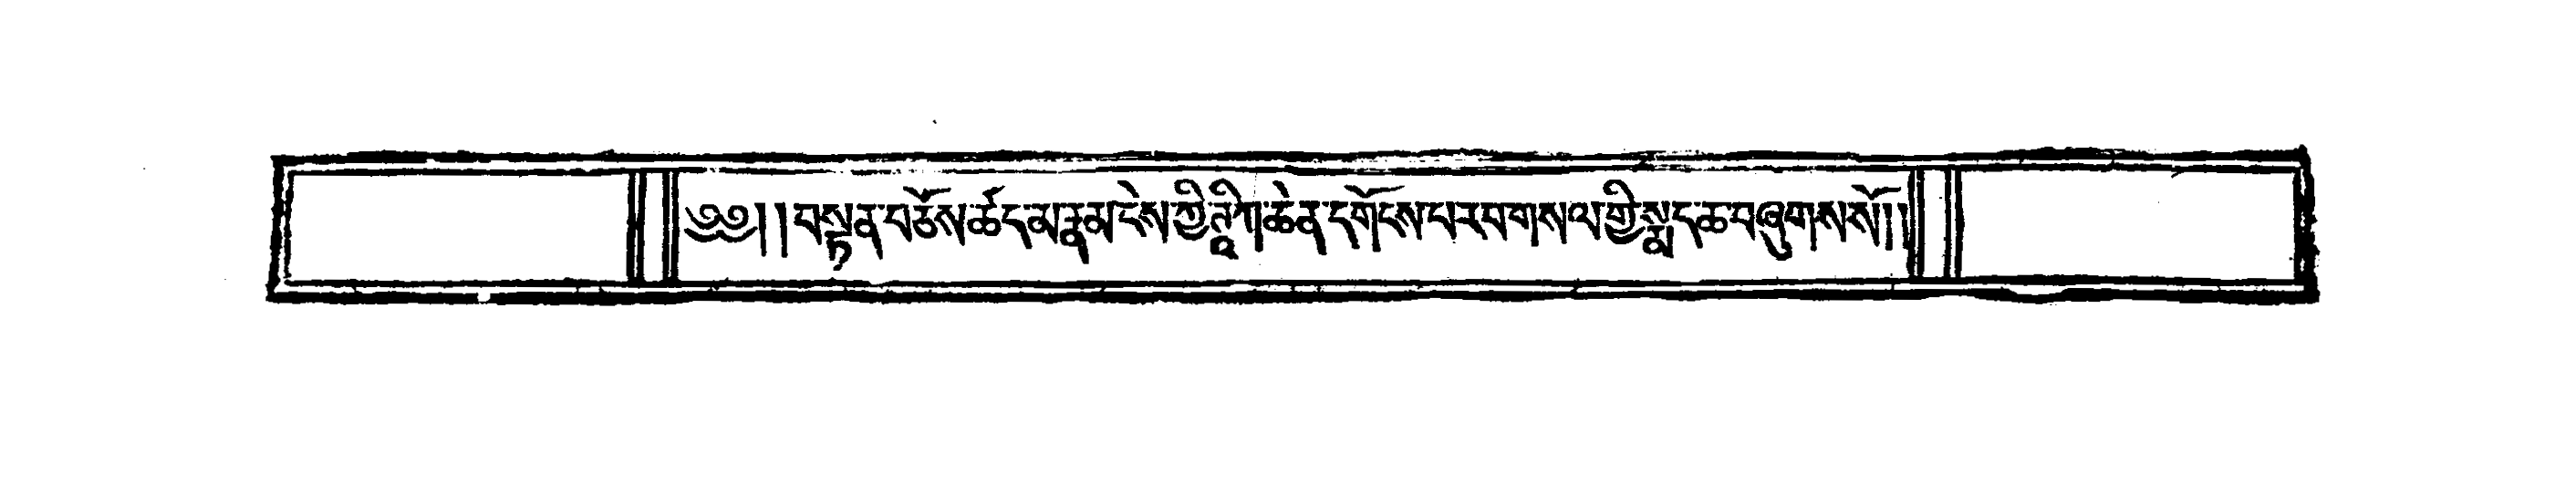༄༅། །བསྟན་བཅོས་ཚད་མ་རྣམ་ངེས་ཀྱི་ཊཱིཀ་ཆེན་དགོངས་པ་རབ་གསལ་གྱི་སྨད་ཆ་བཞུགས་སོ།།